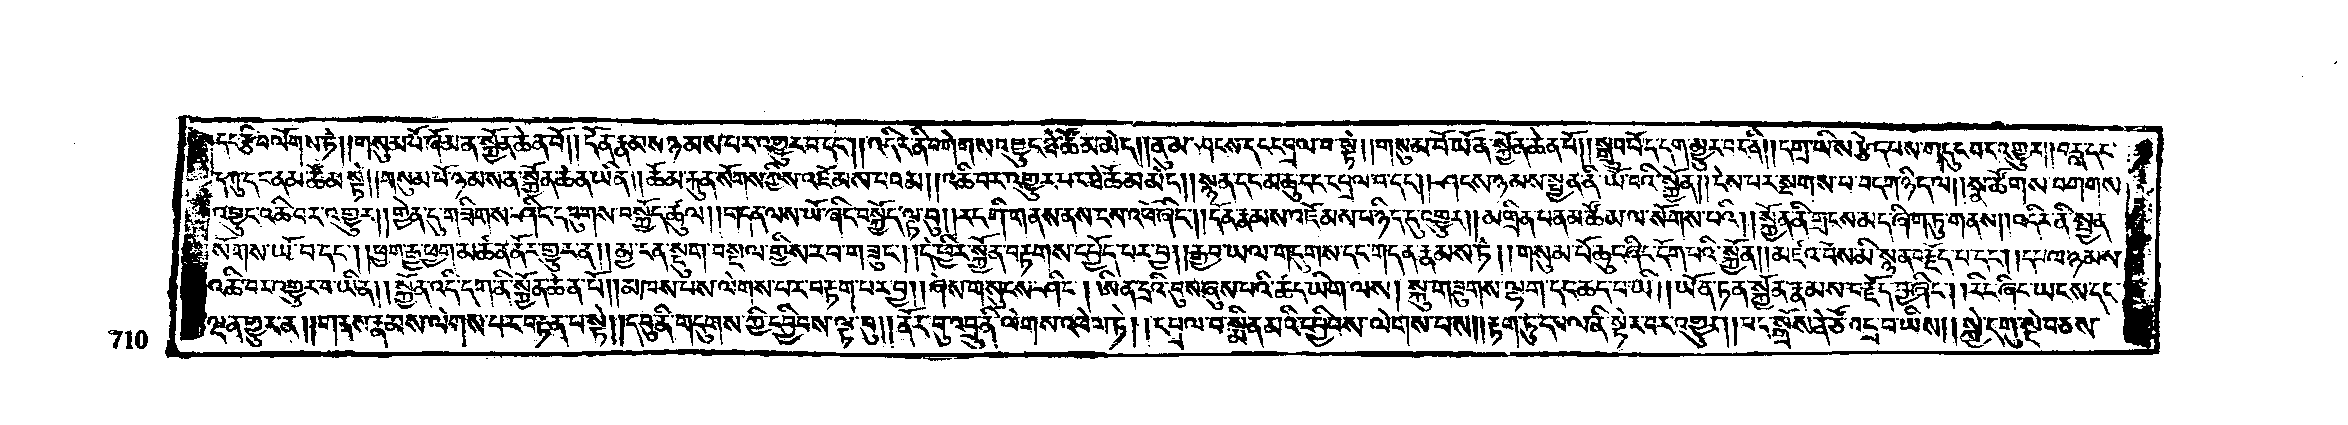དང་རྩིབ་ལོགས་ཏེ། །གསུམ་པོ་ཞོམ་ན་སྐྱོན་ཆེན་པོ། །དོན་རྣམས་ཉམས་པར་འགྱུར་བ་དང་། །འདིར་ནི་བགེགས་འབྱུང་ཐེ་ཚོམ་མེད། །ནུ་མ་ཤངས་དང་འབྲལ་བ་སྟེ། །གསུམ་པོ་ཡོན་སྐྱོན་ཆེན་པོ། །སྒྲུབ་པོ་ད་དག་མྱུར་བར་ནི། །དགྲ་ཡིས་རྩེད་པས་གདུང་བར་འགྱུར། །བརླ་དང་
དགུ་དང་ནམ་ཚོམ་སྟེ། །གསུམ་པོ་ཉམས་ན་སྐྱོན་ཆེན་ཡིན། །ཆོམ་རྐུན་སོགས་ཀྱིས་འཇོམས་པའམ། །འཆི་བར་འགྱུར་པར་ཐེ་ཚོམ་མེད། །སྙན་དང་མཆུ་དང་དཔྲལ་བ་དང་། །ཤངས་ཉམས་སྤྱན་ནི་ཡོ་བའི་སྐྱོན། །ངེས་པར་སྔགས་པ་བདག་ཉིད་ལ། །སྣ་ཚོགས་བགགས་
འབྱུང་འཆི་བར་འགྱུར། །གྱེན་དུ་གཟིགས་ཤིང་དབུགས་བསྐྱོད་ཚུལ། །གདན་ལས་ཡོ་ཞིང་བསྐྱོད་ལྟ་བུ། །རང་གི་གནས་ནས་ངས་འཕོ་ཞིང་། །དོན་རྣམས་འཇོམས་པ་ཉིད་དུ་འགྱུར། །མགྲིན་པན་མཚོམ་ལ་སོགས་པའི། །སྐྱོན་ནི་གྲངས་མད་ཞིག་ཏུ་གནས། །འདིར་ནི་སྤྱན་
སོགས་ཡོ་བ་དང་། །ཕྱག་རྒྱ་ཕྱག་མཚན་ནོར་གྱུར་ན། །མྱ་ངན་སྡུག་བསྔལ་གྱིས་རབ་གཟུང་། །དེ་ཕྱིར་སྐྱོན་བརྟགས་དཔྱོད་པར་བྱ། །རྒྱབ་ཡལ་གདུགས་དང་གདན་རྣམས་ཏེ། །གསུམ་པོ་ཆུང་ཞིང་དོག་པའི་སྐྱོན། །མཛའ་བོས་མི་སྙན་བརྗོད་པ་དང་། །དཔལ་ཉམས་
འཆི་བར་འགྱུར་བ་ཡིན། །སྐྱོན་འདི་དག་ནི་སྐྱོན་ཆེན་པོ། །མཁས་པས་ལེགས་པར་བརྟག་པར་བྱ། །ཞེས་གསུངས་ཤིང་། ཨིན་དྲའི་བུས་ཞུས་པའི་ཚད་ཡིག་ལས། སྐུ་གཟུགས་ལྷག་དང་ཆད་པ་ཡི། །ཡོན་ཏན་སྐྱོན་རྣམས་བརྗོད་བྱ་ཞིང་། །རིང་ཞིང་ཡངས་དང་
ལྡན་གྱུར་ན། །གནས་རྣམས་ལེགས་པར་བརྟན་པ་སྟེ། །དབུ་ནི་གདུགས་ཀྱི་དབྱིབས་ལྟ་བུ། །ནོར་བུ་འབྲུ་ནི་ལེགས་འཕེལ་ཏེ། །དཔྲལ་བ་སྨིན་མའི་དབྱིབས་ལེགས་པས། །རྟག་ཏུ་དཔལ་ནི་སྟེར་བར་འགྱུར། འདྲ་བས། །ལོ་ལེགས་དང་ནི་སྟོབས་འཕེལ་འགྱུར། །ཕྱག་ན་གླང་